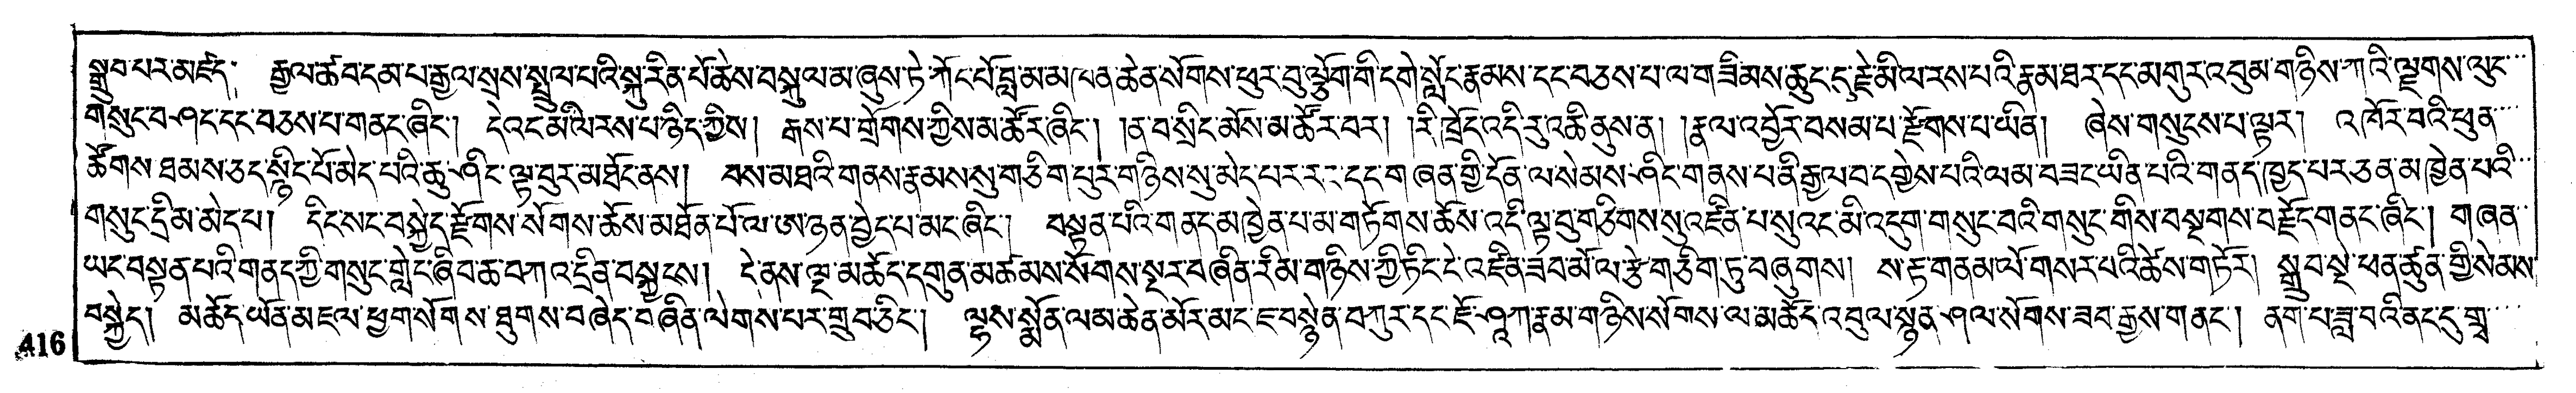སྒྲུབ་པར་མཛད། རྒྱལ་ཚབ་དམ་པ་རྒྱལ་སྲས་སྤྲུལ་པའི་སྐུ་རིན་པོ་ཆེས་བསྐུལ་མ་ཞུས་ཏེ་ཀོང་པོ་བླ་མ་མཁན་ཆེན་སོགས་ཕུར་བུ་ལྕོག་གི་དགེ་སློང་རྣམས་དང་བཅས་པ་ལ་གཟིམས་ཆུང་དུ་རྗེ་མི་ལ་རས་བའི་རྣམ་ཐར་དང་མགུར་འབུམ་གཉིས་ཀའི་ལྗགས་ལུང་
གསུང་བཤད་དང་བཅས་པ་གནང་ཞིང་། དེའང་མི་ལ་རས་པ་ཉིད་ཀྱིས། རྒས་པ་གྲོགས་ཀྱིས་མ་ཚོར་ཞིང་། །ན་བསྲིད་མོས་མ་ཚོར་བར། །རི་ཁྲོད་འདི་རུ་འཆི་ནུས་ན། །རྣལ་འབྱོར་བསམ་པ་རྫོགས་པ་ཡིན། ཞེས་གསུངས་པ་ལྟར། འཁོར་བའི་ཕུན་
ཚོགས་ཐམས་ཅད་སྙིང་པོ་མེད་པའི་ཆུ་ཤིང་ལྟ་བུར་མཐོང་ནས། བས་མཐའི་གནས་རྣམས་སུ་གཅིག་པུར་གཉིས་སུ་མེད་པར་རང་དང་གཞན་གྱི་དོན་ལ་སེམས་ཤིང་གནས་པ་ནི་རྒྱལ་བ་དགྱེས་པའི་ལམ་བཟང་ཡིན་པའི་གནད་ཁྱད་པར་ཅན་མཁྱེན་པའི་
གསུང་དྲི་མ་མེད་པ། དིང་སང་བསྐྱེད་རྫོགས་སོགས་ཆོས་མཐོན་པོ་ལ་ཨ་ཉན་བྱེད་པ་མང་ཞིང་། བསྟན་པའི་གནད་མཁྱེན་བ་མ་གཏོགས་ཆོས་འདི་ལྟ་བུ་གཙིགས་སུ་འཛིན་པ་སུའང་མི་འདུག་གསུང་བའི་གསུང་གིས་བསྔགས་བརྗོད་གནང་ཞིང་། གཞན་
ཡང་བསྟན་པའི་གནད་ཀྱི་གསུང་གླེང་ཞིབ་ཆ་བཀའ་དྲིན་བསྐྱངས། དེ་ནས་ལྔ་མཆོད་དགུན་མཚམས་སོགས་སྔར་བཞིན་རིམ་གཉིས་ཀྱི་ཏིང་ངེ་འཛིན་ཟབ་མོ་ལ་རྩེ་གཅིག་ཏུ་བཞུགས། ས་རྟ་གནམ་ལོ་གསར་བའི་ཚེས་གཏོར། སྒྲུབ་སྡེ་ཕན་ཚུན་གྱི་སེམས་
བསྐྱེད། མཆོད་ཡོན་མཇལ་ཕྱག་སོགས་ཐུགས་བཞེད་བཞིན་ལེགས་པར་གྲུབ་ཅིང་། ལྷ་ས་སྨོན་ལམ་ཆེན་མོར་མང་ཇ་བསྙེན་བཀུར་དང་ཇོ་ཤཱཀ་རྣམ་གཉིས་སོགས་ལ་མཆོད་འབུལ་སྙན་ཤལ་སོགས་ཟབ་རྒྱས་གནང་། ནག་པ་ཟླ་བའི་ནང་དུ་གྲྭ་